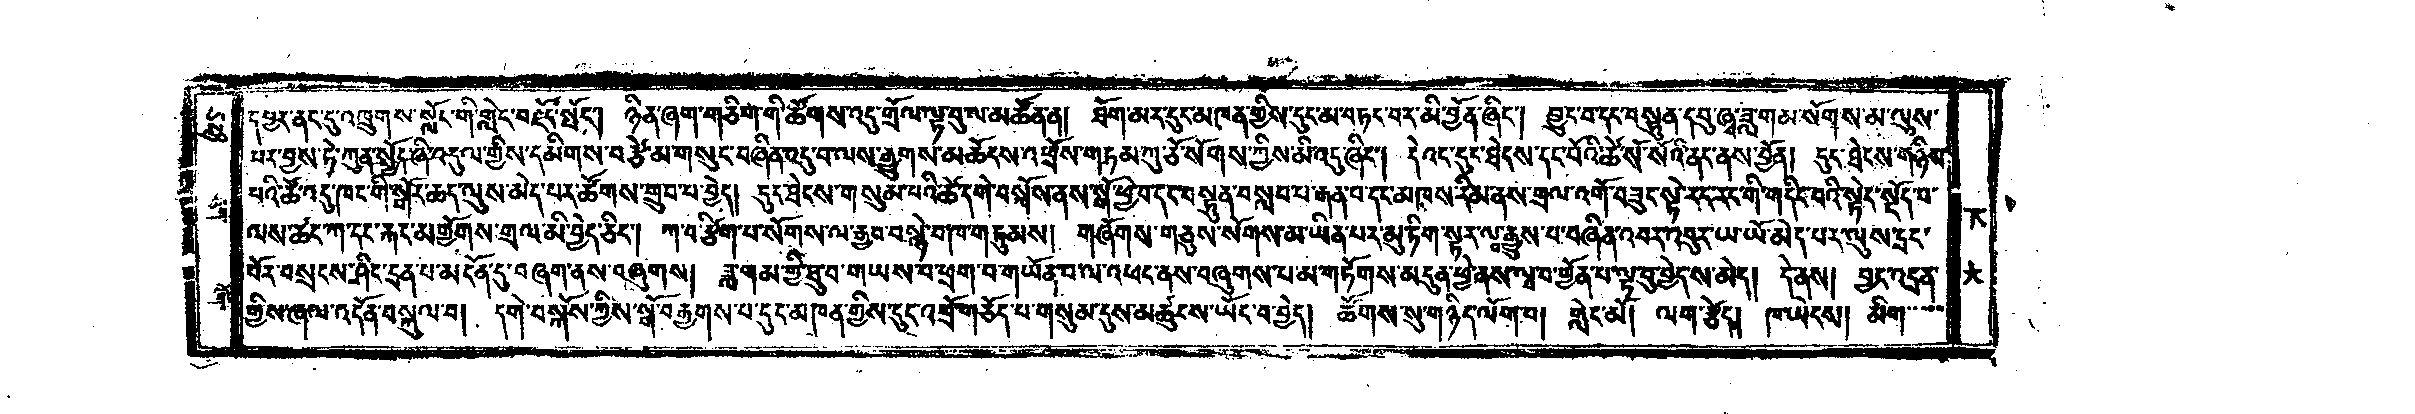དབྱར་ནང་དུ་འཁྲུགས་སློང་གི་གླེང་བརྗོད་སྤོང་། ཉིན་ཞག་གཅིག་གི་ཚོགས་འདུ་གྲོལ་ལྟ་བུ་ལ་མཚོན་ན། ཐོག་མར་དུང་མཁན་གྱིས་དུང་མ་བཏང་བར་མི་བྱོན་ཞིང་། བྱུང་བ་དང་བསྟུན་དབུ་ཞྭ་ཟླ་གམ་སོགས་མ་ལུས་
པར་བྱས་ཏེ་ཀུན་སྤྱོད་ཞི་འདུལ་གྱིས་དམིགས་བརྩེ་མ་གསུང་བཞིན་འདུ་བ་ལས་རྒྱུགས་མཆོངས་འཕྲོས་གཏམ་ཀུ་ཅོ་སོགས་ཀྱིས་མི་འདུ་ཞིང་། དེའང་དུང་ཐེངས་དང་པོའི་ཚེ་སོ་སོའི་ནང་ནས་བྱོན། དུང་ཐེངས་གཉིས་
པའི་ཚེ་འདུ་ཁང་གི་སྒོར་ཆད་ལུས་མེད་པར་ཚོགས་གྲུབ་པ་བྱེད། དུད་ཐེངས་གསུམ་པའི་ཚེ་དགེ་བསྐོས་ནས་སྒོ་ཕྱེ་བ་དང་བསྟུན་བསླབ་པ་རྒན་པ་དང་མཁས་རིམ་ནས་གྲལ་འགོ་བཟུང་སྟེ་རང་རང་གི་གདིང་བའི་སྟེང་སྡོད་པ་
ལས་ཚང་ཀ་དང་རྐང་མགྱོགས་གྲལ་མི་བྱེད་ཅིང་། ཀ་བ་རྩིག་པ་སོགས་ལ་རྒྱབ་བསྙེ་བ་ཁ་གཏུམས། གཞོགས་གཅུས་སོགས་མ་ཡིན་པར་མུ་ཏིག་སྟར་ལ་རྒྱུས་པ་བཞིན་འབར་འབུར་ཡ་ཡོ་མེད་པར་ལུས་དྲང་
པོར་བསྲངས་ཤིང་དྲན་པ་མངོན་དུ་བཞག་ནས་བཞུགས། ཟླ་གམ་གྱི་ཐུ་བ་གཡས་པ་ཕྲག་པ་གཡོན་པ་ལ་འཕང་ནས་བཞུགས་པ་མ་གཏོགས་མདུན་ཕྱེ་ནས་ལ་བ་གྱོན་པ་ལྟ་བུ་བྱེད་ས་མེད། དེ་ནས། བྱང་འདྲན་
གྱིས་ཞལ་འདོན་བསྐུལ་བ། དགེ་བསྐོས་ཀྱིས་སྒོ་བརྒྱགས་པ་དུང་མཁན་གྱིས་དུང་འཕྲོ་གཅོད་པ་གསུམ་དུས་མཚུངས་ཡོང་བ་བྱེད། ཚོགས་སུ་གཉིད་ལོག་པ། གླེང་མོ། ལག་རྩེད། ཁ་ཡེངས། མིག་